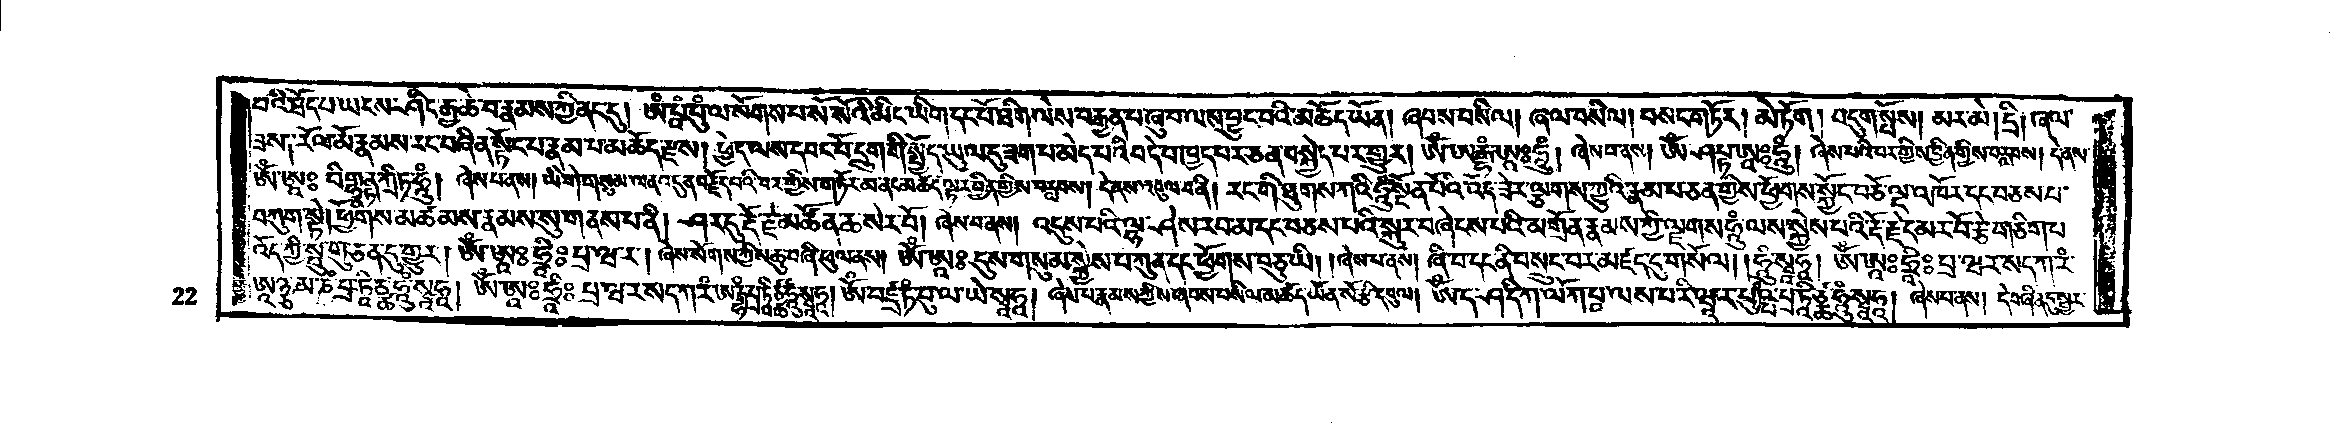བའི་ཐོད་པ་ཡངས་ཤིང་རྒྱ་ཆེ་བ་རྣམས་ཀྱི་ནང་དུ། ཨཾ་པའཾ་པུཾ་ལ་སོགས་པ་སོ་སོའི་མིང་ཡིག་དང་པོ་ཐིག་ལེས་བརྒྱན་པ་ཞུ་བ་ལས་བྱུང་བའི་མཆོད་ཡོན། ཞབས་བསིལ། ཞལ་བསིལ། བསང་གཏོར། མེ་ཏོག །བདུག་སྤོས། མར་མེ། དྲི། ཞལ་
ཟས། རོལ་མོ་རྣམས་རང་བཞིན་སྟོང་པ་རྣམ་པ་མཆོད་རྫས། བྱེད་ལས་དབང་པོ་དྲུག་གི་སྤྱོད་ཡུལ་དུ་ཟག་པ་མེད་པའི་བདེ་བ་ཁྱད་པར་ཅན་བསྐྱེད་པར་གྱུར། ཨོཾ་ཨརྒྷཾ་ཨཱཿ ཧཱུཾ། ཞེས་པ་ནས། ཨོཾ་ཤཔྟ་ཨཱཿ ཧཱུཾ། ཞེས་པའི་བར་གྱིས་བྱིན་གྱིས་བརླབས། དེ་ནས
ཨོཾ་ཨཱཿ བིགྷྣནྟ་ཀྲི་ཏ་ཧཱུཾ། ཞེས་པ་ནས། ཡི་གེ་གསུམ་ལན་བདུན་བརྗོད་པའི་བར་གྱིས་གཏོར་མ་ནང་མཆོད་ལྟར་བྱིན་གྱིས་བརླབས། དེ་ནས་འབུལ་བ་ནི།  རང་གི་ཐུགས་ཀའི་ཧཱུཾ་སྔོན་པོའི་འོད་ཟེར་ལྕགས་ཀྱུའི་རྣམ་པ་ཅན་གྱིས་ཕྱོགས་སྐྱེད་བཅོ་ལྔ་འཁོར་དང་བཅས་པ་
བཀུག་སྟེ། ཕྱོགས་མཚམས་རྣམས་སུ་གནས་པ་ནི། ཤར་དུ་རྡོ་རྗེ་མཚེན་ཆ་སེར་པོ། ཞེས་པ་ནས།  འདུས་པའི་ལྷ་ཤེས་རབ་མ་དང་བཅས་པའི་སྐུར་བཞེངས་པའི་མགྲོན་རྣམས་ཀྱི་ལྗགས་ཧཱུཾ་ལས་སྐྱེས་པའི་རྡོ་རྗེ་དམར་པོ་རྩེ་གཅིག་པ་
འོད་ཀྱི་སྦུ་གུ་ཅན་དུ་གྱུར། ཨོཾ་ཨཱཿ ཧཱྲིཿ པྲ་ཝ་ར། ཞེས་སོགས་ཀྱིས་ཆུ་བཞི་ཕུལ་ནས།  ཨོཾ་ཨཱཿ དུས་གསུམ་སྐྱེས་པ་ཀུན་དང་ཕྱོགས་བཅུ་ཡི། ། ཞེས་པ་ནས།  ཞི་བ་དང་ནི་བསྲུང་བར་མཛད་དུ་གསོལ། །ཧཱུཾ་སྭཱ་ཧཱ། ཨོཾ་ཨཱཿ ཧྲཱིཿ པྲ་ཝ་ར་སད་ཀ་རཾ་
ཨཱཉྩ་མ་ཎི་པྲ་ཏཱི་ཙྪ་ཧཱུཾ་སྭཱཧཱ། ཨོཾ་ཨཱཿ ཧྲཱིཿ པྲ་ཝ་ར་སད་ཀ་རཾ་ཨརྒྷཾ་པྲ་ཏཱི་ཙྪ་ཧཱུཾ་སྭཱཧཱ། ཨོཾ་བཛྲ་ཏཾ་བུ་ལ་ཡེ་སྭཱཧཱ། ཟྴེས་པ་རྣམས་ཀྱིས་ཞབས་བསིལ་མཆོད་ཡོན་སོ་རྩི་དབུལ། ཨོཾ་ད་ཤ་དི་ཀ་ལོ་ཀ་པཱ་ལས་པ་རི་ཝཱ་ར་པུཾཥྤ་པྲ་ཏཱི་ཙྪ་ཧཱུཾ་སྭཱཧཱ། ཞེས་པ་ནས། དེ་བཞིན་དུ་སྦྱར་